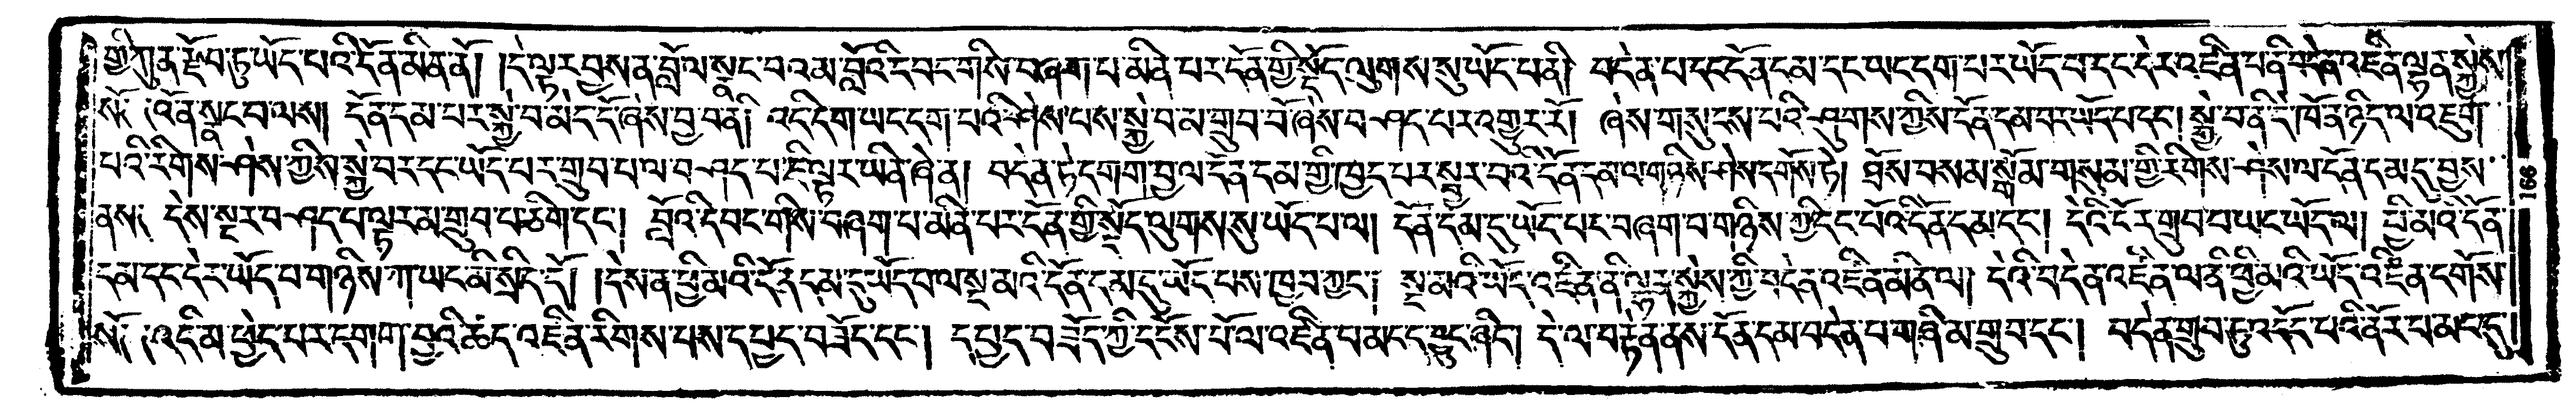གྱི་ཀུན་རྫོབ་ཏུ་ཡོད་པའི་དོན་མིན་ནོ། །དེ་ལྟར་བྱས་ན་བློ་ལ་སྣང་བའམ་བློའི་དབང་གིས་བཞག་པ་མིན་པར་དོན་གྱི་སྡོད་ལུགས་སུ་ཡོད་པ་ནི། བདེན་པ་དང་དོན་དམ་དང་ཡང་དག་པར་ཡོད་པ་དང་དེར་འཛིན་པ་ནི་བདེན་འཛིན་ལྷན་སྐྱེས་
སོ༑ ༑འོ་ན་སྣང་བ་ལས། དོན་དམ་པར་སྐྱེ་བ་མེད་དོ་ཞེས་བྱ་བ་ནི། འདི་དག་ཡང་དག་པའི་ཤེས་པས་སྐྱེ་བ་མ་གྲུབ་བོ་ཞེས་བཤད་པར་འགྱུར་རོ། ཞེས་གསུངས་པའི་ཤུགས་ཀྱིས་དོན་དམ་པར་ཡོད་པ་དང་། སྐྱེ་བ་ནི་དེ་ཁོ་ན་ཉིད་ལ་འཇུག་
པའི་རིགས་ཤེས་ཀྱིས་སྐྱེ་བར་དང་ཡོད་པར་གྲུབ་པ་ལ་བཤད་པ་ཇི་ལྟར་ཡིན་ཞེ་ན། བདེན་ཏེ་དགག་བྱ་ལ་དོན་དམ་གྱི་ཁྱད་པར་སྦྱར་བའི་དོན་དམ་ལ་གཉིས་ཤེས་དགོས་ཏེ། ཐོས་བསམ་སྒོམ་གསུམ་གྱི་རིགས་ཤེས་ལ་དོན་དམ་དུ་བྱས་
ནས། དེས་སྔར་བཤད་པ་ལྟར་མ་གྲུབ་པ་ཅིག་དང་། བློའི་དབང་གིས་བཞག་པ་མིན་པར་དོན་གྱི་སྡོད་ལུགས་སུ་ཡོད་པ་ལ། དོན་དམ་དུ་ཡོད་པར་བཞག་པ་གཉིས་ཀྱི་དང་པོའི་དོན་དམ་དང་། དེའི་ངོར་གྲུབ་པ་ཡང་ཡོད་ལ། ཕྱི་མའི་དོན་
དམ་དང་དེར་ཡོད་པ་གཉིས་ཀ་ཡང་མི་སྲིད་དོ། །དེས་ན་ཕྱི་མའི་དོན་དམ་དུ་ཡོད་པ་ལ་སྔ་མའི་དོན་དམ་དུ་ཡོད་པས་ཁྱབ་ཡང་། སྔ་མའི་ཡོད་འཛིན་ནི་ལྷན་སྐྱེས་ཀྱི་བདེན་འཛིན་མིན་ལ། དེའི་བདེན་འཛིན་ལ་ནི་ཕྱི་མའི་ཡོད་འཛིན་དགོས་
སོ༑ ༑འདི་མ་ཕྱེད་པར་དགག་བྱའི་ཚད་འཛིན་རིགས་པས་དཔྱད་བཟོད་དང་། དཔྱད་བཟོད་ཀྱི་དངོས་པོ་ལ་འཛིན་པ་མང་དུ་བྱུང་ཞིང་། དེ་ལ་བརྟེན་ནས་དོན་དམ་བདེན་པ་གཞི་མ་གྲུབ་དང་། བདེན་གྲུབ་ཏུ་འདོད་པའི་ནོར་པ་མང་དུ་